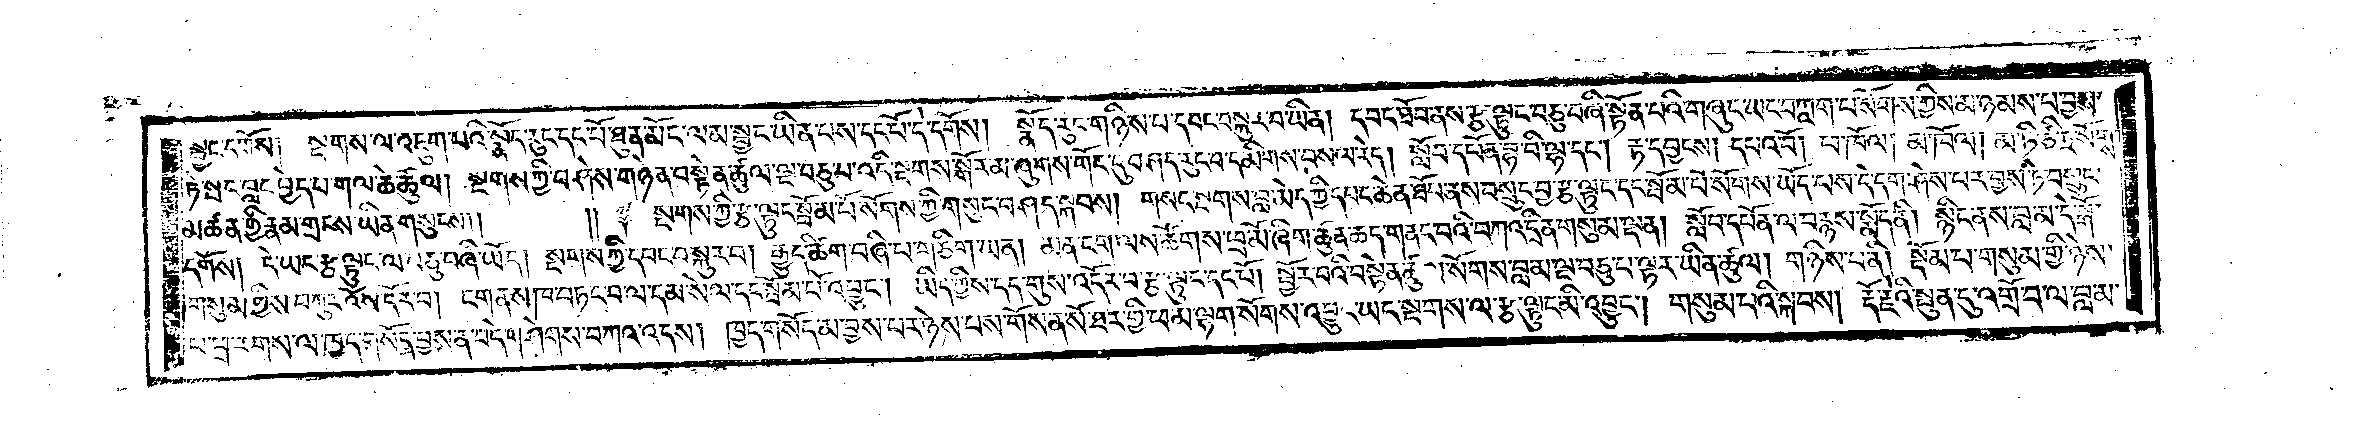སྦྱང་དགོས། སྔགས་ལ་འཇུག་པའི་སྣོད་རུང་དང་པོ་ཐུན་མོང་ལམ་སྦྱང་ཡིན་པས་དང་པོ་དེ་དགོས། སྣོད་རུང་གཉིས་པ་དབང་བསྐུར་བ་ཡིན། དབང་ཐོབ་ནས་རྩ་ལྟུང་བཅུ་བཞི་སྟོན་པའི་གཞུང་ཡང་བཀླག་པ་སོགས་ཀྱིས་མཉམས་པ་བྱས་
ཏེ་སྤང་བླང་བྱེད་པ་གལ་ཆེ་ཚུལ། སྔགས་ཀྱི་བཤེས་གཉེན་བསྟེན་ཚུལ་ལྔ་བཅུ་པ་འདི་སྔགས་སྒོར་མ་ཞུགས་གོང་དུ་བཤད་རུང་བ་དམིགས་བསལ་རེད། སློབ་དཔོན་བྷ་བི་ལྷ་དང་། རྟ་དབྱངས། དཔའ་བོ། ཕ་ཁོལ། མ་ཏི་ཙི་ཏྲ་སོགས་
མཚན་གྱི་རྣམ་གྲངས་ཡིན་གསུངས།། །། ༈ སྔགས་ཀྱི་རྩ་ལྟུང་སྦོམ་པོ་སོགས་ཀྱི་གསུང་བཤད་སྐབས། གསང་སྔགས་བླ་མེད་ཀྱི་དབང་ཆེན་ཐོབ་ནས་བསྲུང་བྱ་རྩ་ལྟུང་དང་སྦོམ་པོ་སོགས་ཡོད་པས་དེ་དག་ཤེས་པར་བྱས་ཏེ་བསྲུང་
དགོས། དེ་ཡང་རྩ་ལྟུང་ལ་བཅུ་བཞི་ཡོད། སྔགས་ཀྱི་དབང་བསྐུར་བ། རྒྱུད་ཚིག་བཞི་པ་གཅིག་ཡན། མན་ངག་ལས་ཚོགས་ཕྲ་མོ་ཞིག་ཚུན་ཆད་གནང་བའི་བཀའ་དྲིན་གསུམ་ལྡན། སློབ་དཔོན་ལ་བརྙས་སྨོད་ནི། སྙིང་ནས་བླ་མ་དེ་སྒོ་
གསུམ་གྱིས་བཀུར་འོས་དོར་བ། ངག་ནས་ཁ་བཏང་བ་ལ་དམ་སེལ་དང་སྦོམ་པོ་འབྱུང་། ཡིད་ཀྱིས་དད་གུས་འདོར་བ་རྩ་ལྟུང་དང་པོ། སྦྱོར་བའི་བསྟེན་ཚུལ་སོགས་བླ་མ་ལྔ་བཅུ་པ་ལྟར་ཡིན་ཚུལ། གཉིས་པ་ནི། སྡོམ་པ་གསུམ་གྱི་ཉེས་
པ་ཕྲ་རགས་ལ་ཁྱད་གསོད་བྱས་ན་བདེ་གཤེགས་བཀའ་འདས། ཁྱད་གསོད་མ་བྱས་པར་ཉེས་པས་གོས་ན་སོ་ཐར་གྱི་ཕམ་ལྷག་སོགས་འབྱུང་ཡང་སྔགས་ལ་རྩ་ལྟུང་མི་འབྱུང་། གསུམ་པའི་སྐབས། རྡོ་རྗེའི་སྤུན་དུ་འགྲོ་བ་ལ་བླ་མ་